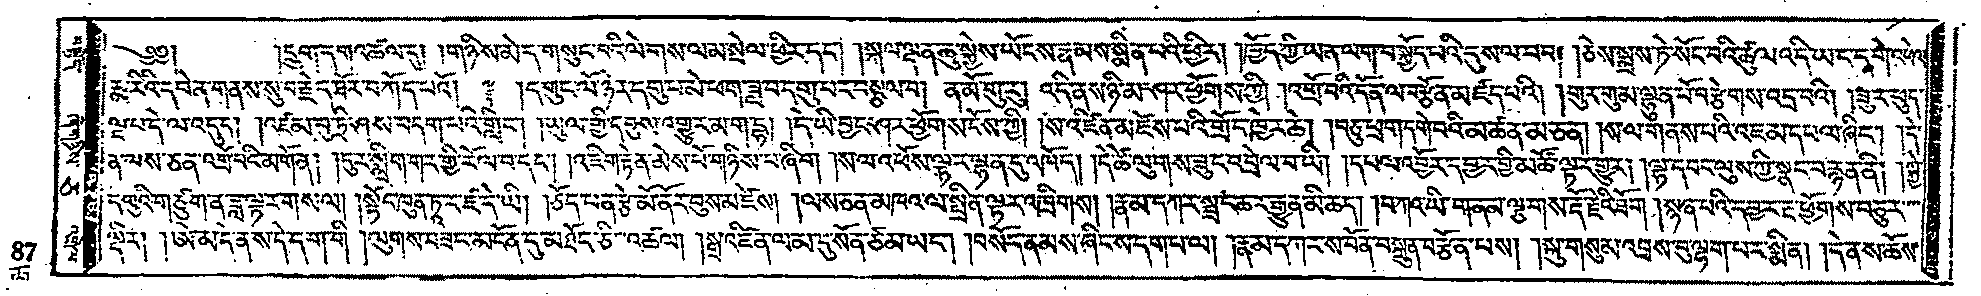༄༅། །དྲུག་དགའ་ཚལ་དུ། །གཉིས་མེད་གསུང་བའི་ལེགས་ལམ་སྤེལ་ཕྱིར་དང་། །སྐལ་ལྡན་ཆུ་སྐྱེས་ཡོངས་རྣམས་སྨིན་པའི་ཕྱིར། །ཁྱོད་ཀྱི་ཡན་ལག་བསྐྱོད་པའི་དུས་ལ་བབ། །ཅེས་སྨྲས་ཏེ་སོང་བའི་ཚུལ་འདི་ཡང་དགེ་འཕེལ་
རྨ་རིའི་དབེན་གནས་སུ་བརྗེད་ཐོར་བཀོད་པའོ། ༈ །དགུང་ལོ་ཉེར་དགུ་པ་མེ་ཕག་ཟླ་བ་དགུ་པར་བསྩལ་བ། ན་མོ་གུ་རུ། འདི་ནས་ཉི་མ་ཤར་ཕྱོགས་ཀྱི། །འགྲོ་བའི་དོན་ལ་བརྩོན་མཛད་པའི། །གུར་གུམ་ལྷུན་པོ་བརྩེགས་འདྲ་བའི། །ཟུར་ཕུད་
ལྔ་པ་དེ་ལ་འདུད། །འཛམ་བུ་ཏྲི་ཤས་བདག་པའི་གླིང་། །ཡུལ་གྱི་དབུས་འགྱུར་མ་ག་དྷ། །དེ་ཡི་བྱང་ཤར་ཕྱོགས་ངོས་ཀྱི། །ས་འཛིན་མཛེས་པའི་གྲོང་ཁྱེར་ཆེ། །བཅུ་ཕྲག་དགེ་བའི་མཚན་མ་ཅན། །ས་ལ་གནས་པའི་འཇམ་དཔལ་ཞིང་། །དེ་
ན་ལས་ཅན་འགྲོ་བའི་མགོན། །ངུར་སྨྲིག་གར་གྱི་རོལ་བ་དང་། །འཇིག་རྟེན་མེས་པོ་གཉིས་པ་ཞིག །ས་ལ་འཕོས་ལྟར་ལྷན་དུ་འཁོད། །དེ་ཚེ་ལུགས་ཟུང་འབྲེལ་བ་ཡི། །དཔལ་འབྱོར་དབྱར་གྱི་མཚོ་ལྟར་གྱུར། །ལྷ་དབང་ལུས་ཀྱི་སྣང་བརྙན་ནི། །སྐྱེ་
དགུའི་གཙུག་ན་ཟླ་ལྟར་གསལ། །སྟོང་ཁུན་ཏཱ་ར་ཛ་དེ་ཡི། །ཅོད་པན་རྩེ་མོ་ནོར་བུས་མཛེས། །ལས་ཅན་མཁའ་ལ་སྤྲིན་ལྟར་འཁྲིགས། །རྣམ་དཀར་སྦྲང་ཆར་རྒྱུན་མི་ཆད། །བཀའ་ཡི་གནམ་ལྕགས་རྡོ་རྗེའི་ཐོག །སྙན་པའི་དབྱར་རྔ་ཕྱོགས་བཅུར་
ལྡིར། །ཨེ་མ་དེ་ནས་དེ་དག་གི །ལུགས་བཟང་མངོན་དུ་མཐོང་ཅི་འཚལ། །སྒྲ་འཛིན་ལམ་དུ་སོན་ཙམ་ཡང་། །བསོད་ནམས་ཞིང་ས་དག་པ་ལ། །རྣམ་དཀར་ས་བོན་བསྐྲུན་བརྩོན་པས། །སྐུ་གསུམ་འབྲས་བུ་ལྷག་པར་སྨིན། །དེ་ནས་ཆོས་